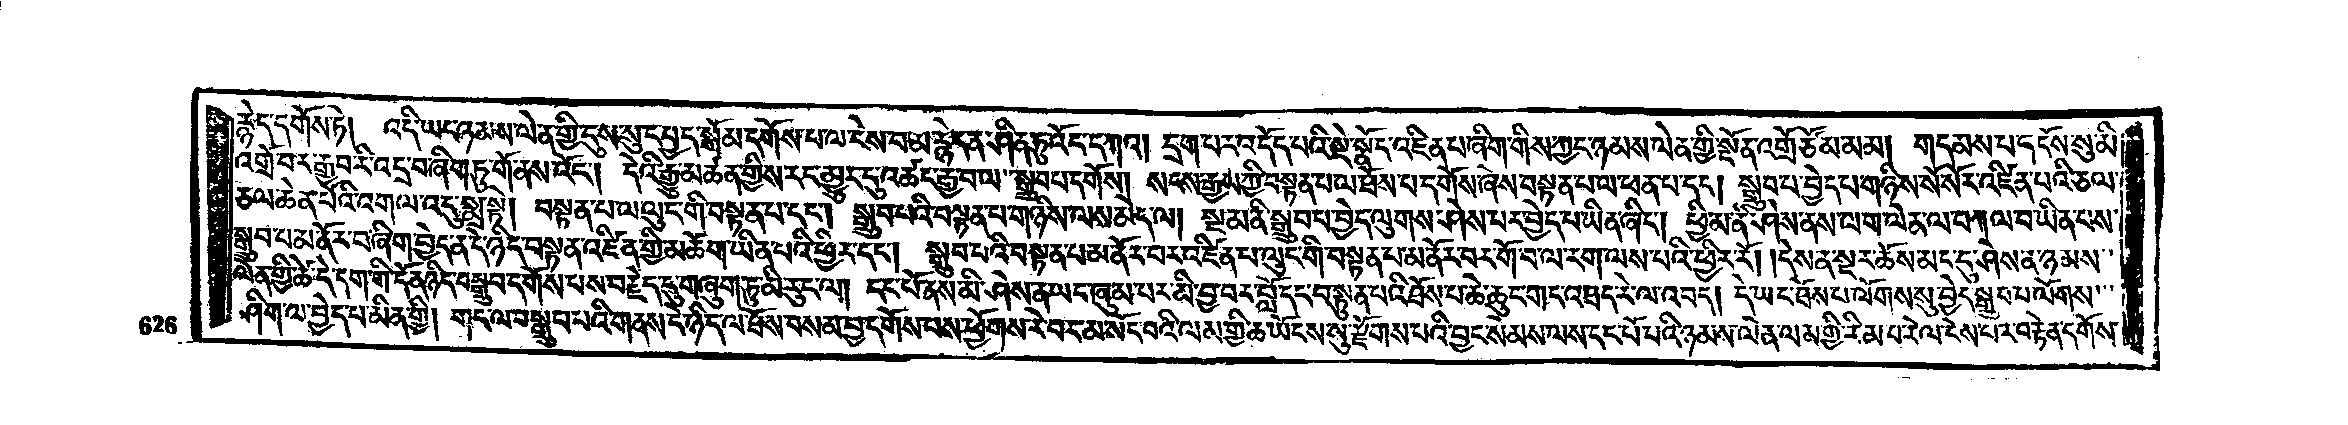རྙེད་དགོས་ཏེ། འདི་ཡང་ཉམས་ལེན་གྱི་དུས་སུ་དཔྱད་སྒོམ་དགོས་པ་ལ་ངེས་པ་མ་རྙེད་ན་ཤིན་ཏུ་འོང་དཀའ། དྲག་པར་འདོད་པའི་སྡེ་སྣོད་འཛིན་པ་ཞིག་གིས་ཀྱང་ཉམས་ལེན་གྱི་སྔོན་འགྲོ་ཙམ་མམ། གདམས་པ་དངོས་སུ་མི་
འགྲོ་བར་རྒྱབ་རི་འདྲ་བ་ཞིག་ཏུ་གོ་ནས་འོང་། དེའི་རྒྱུ་མཚན་གྱིས་རང་མྱུར་དུ་འཚང་རྒྱ་བ་ལ་སྒྲུབ་པ་དགོས། སངས་རྒྱས་ཀྱི་བསྟན་པ་ལ་ཐོས་པ་དགོས་ཞེས་བསྟན་པ་ལ་ཕན་པ་དང་། སྒྲུབ་པ་བྱེད་པ་གཉིས་སོ་སོར་འཛིན་པའི་ཅལ་
ཅོལ་ཆེན་པོའི་འགལ་འདུ་སྨྲ་སྟེ། བསྟན་པ་ལ་ལུང་གི་བསྟན་པ་དང་། སྒྲུབ་པའི་བསྟན་པ་གཉིས་ལས་མེད་ལ། སྔ་མ་ནི་སྒྲུབ་པ་བྱེད་ལུགས་ཤེས་པར་བྱེད་པ་ཡིན་ཞིང་། ཕྱི་མ་ནི་ཤེས་ནས་ལག་ལེན་ལ་བཀལ་བ་ཡིན་པས་
སྒྲུབ་པ་མ་ནོར་བ་ཞིག་བྱེད་ན་དེ་ཉིད་བསྟན་འཛིན་གྱི་མཆོག་ཡིན་པའི་ཕྱིར་དང་། སྒྲུབ་པའི་བསྟན་པ་མ་ནོར་བར་འཛིན་པ་ལུང་གི་བསྟན་པ་མནོར་བར་གོ་བ་ལ་རག་ལས་པའི་ཕྱིར་རོ། །དེས་ན་སྔར་ཆོས་མང་དུ་ཤེས་ན་ཉམས་
ལེན་གྱི་ཚེ་དེ་དག་གི་དོན་ཉིད་བསྒྲུབ་དགོས་པས་བརྗེད་དུ་གཞུག་ཏུ་མི་རུང་ལ། དང་པོ་ནས་མི་ཤེས་ན་ཡང་ཞུམ་པར་མི་བྱ་བར་བློ་དང་བསྟུན་པའི་ཐོས་པ་ཆེ་ཆུང་གང་འཐད་རེ་ལ་འབད། དེ་ཡང་ཐོས་པ་ལོགས་སུ་བྱེད་སྒྲུབ་པ་ལོགས་
ཤིག་ལ་བྱེད་པ་མིན་གྱི། གང་ལ་བསྒྲུབ་པའི་གནས་དེ་ཉིད་ལ་ཐོས་བསམ་བྱ་དགོས་པས་ཕྱོགས་རེ་བར་མ་སོང་བའི་ལམ་གྱི་ཆ་ཡོངས་སུ་རྫོགས་པའི་བྱང་སེམས་ལས་དང་པོ་པའི་ཉམས་ལེན་ལམ་གྱི་རིམ་པ་རེ་ལ་ངེས་པར་བརྟེན་དགོས་